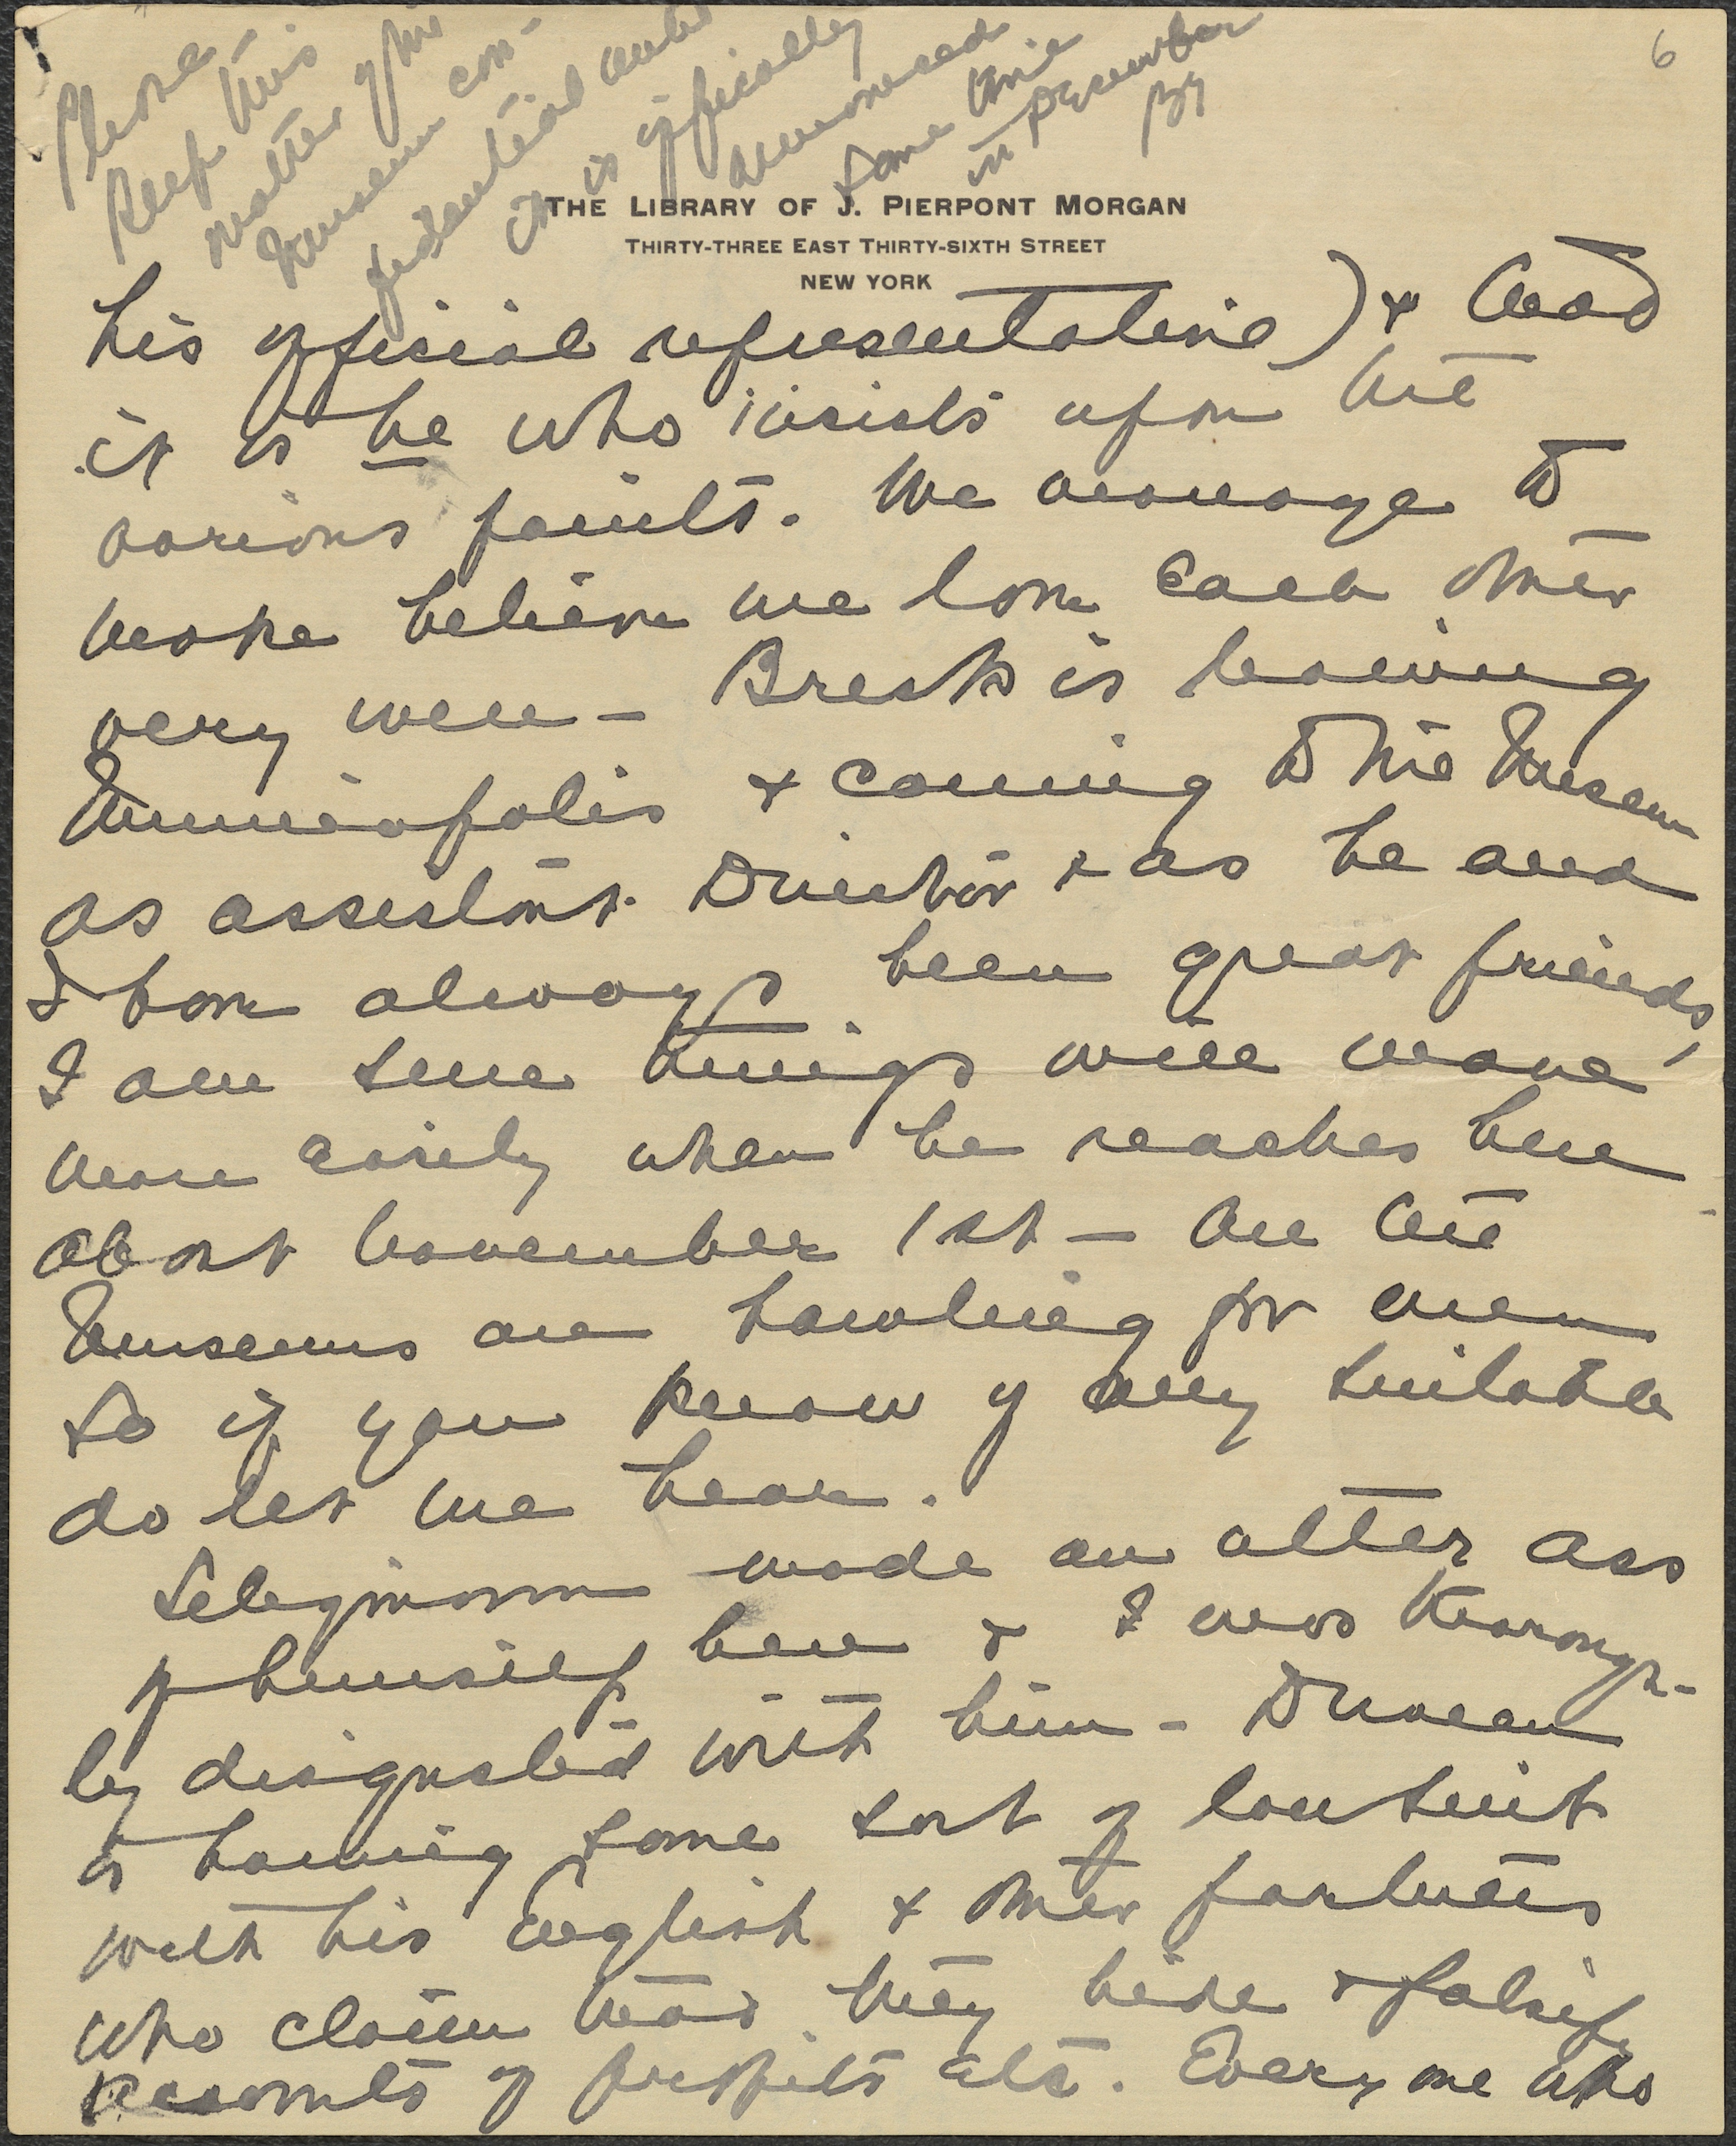[written in upper margin: Please keep this matter of the Museum confidential until it is officially announced some time in December BG]
his official representative) & that it is he who insists upon the various points. We manage to make believe we love each other very well – Breck is leaving Minneapolis & coming to the Museum as assistant Director & as he and I have always been great friends, I am sure things will move more easily when he reaches here about November 1st – All the Museums are howling for men so if you know of any suitable do let me hear.
Seligmann made an utter ass of himself here & I was thoroughly disgusted with him – Duveen is having some sort of lawsuit with his English & other partners who claim that they hide & falsify accounts of profits etc. Every one who